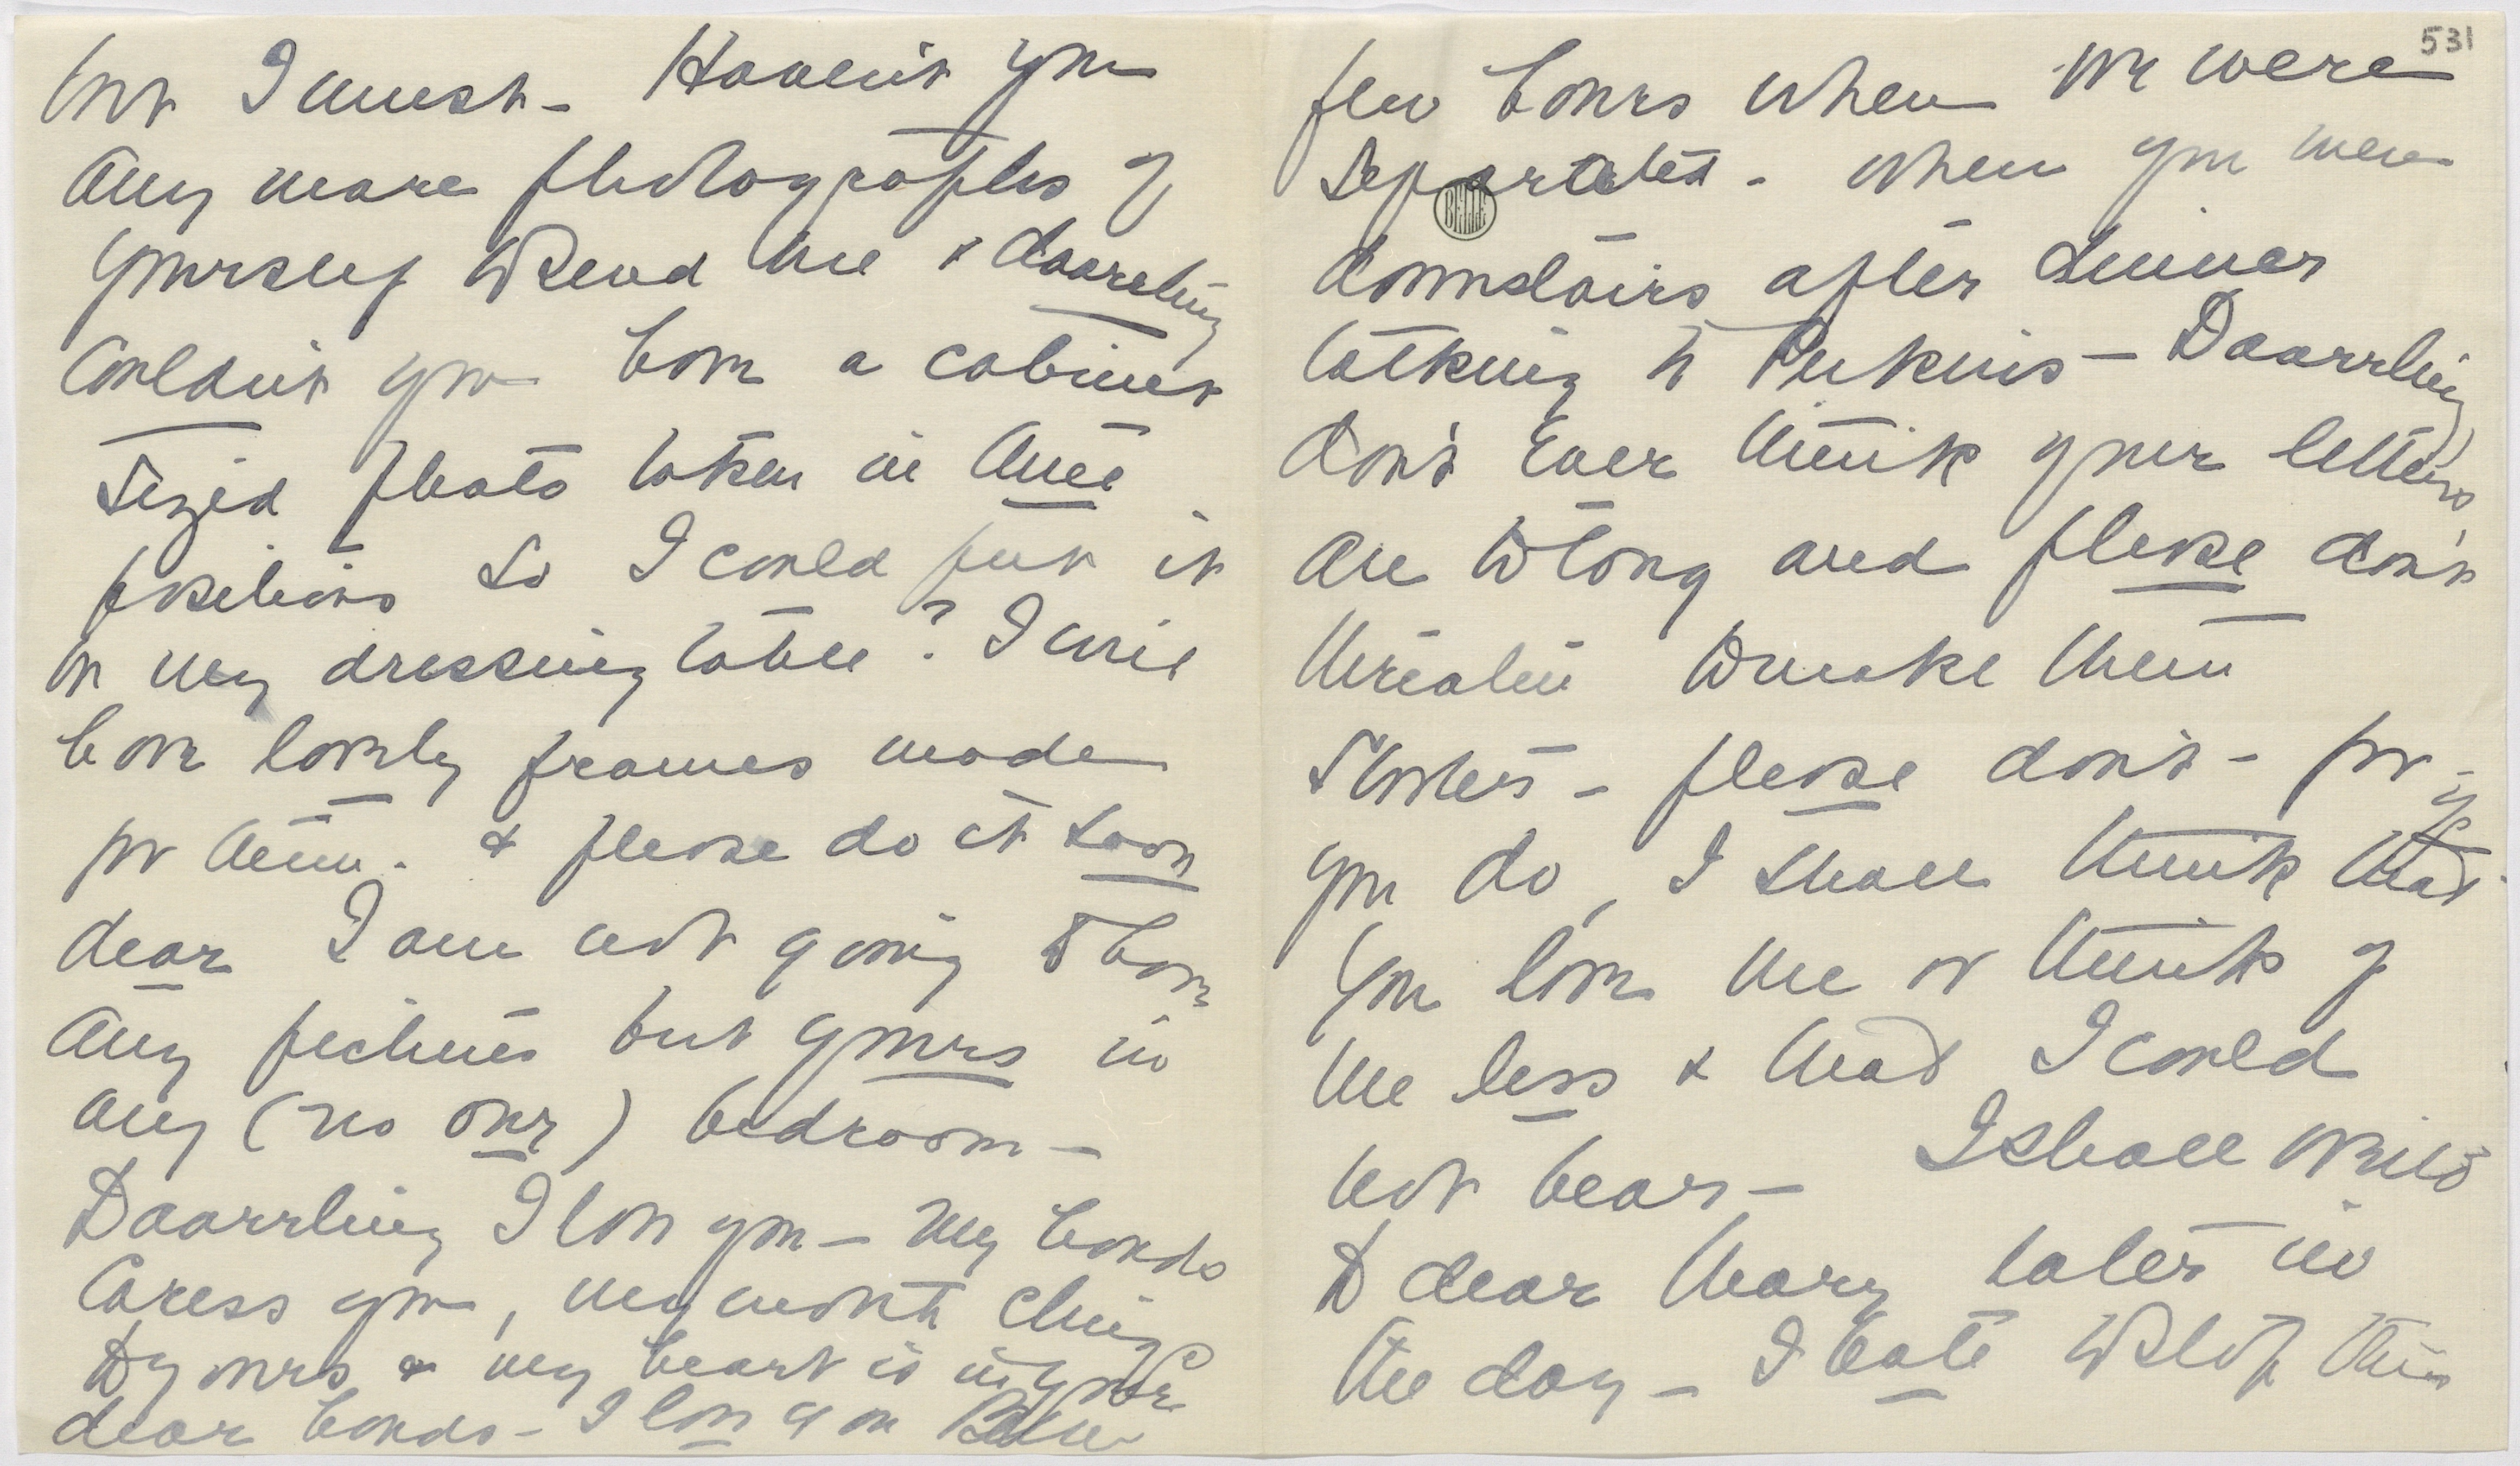few hours when we were separated – when you were downstairs after dinner talking to Perkins – Daarrling, don’t ever think your letters are to [sic] long and please don’t threaten to make them shorter – please don’t – for if you do, I shall think that you love me or think of me less & that I could not bear – I shall write to dear Mary later in the day – I hate to stop this
but I must – Haven’t you any more photographs of yourself to send me & daarrling couldn’t you have a cabinet sized photo taken in three positions so I could put it on my dressing table? I will have lovely frames made for them. & please do it soon dear I am not going to have any pictures but yours in my (no our) bedroom –
Daarrling I love you – My hands caress you, my mouth clings to yours & my heart is in your dear hands – I love you Belle